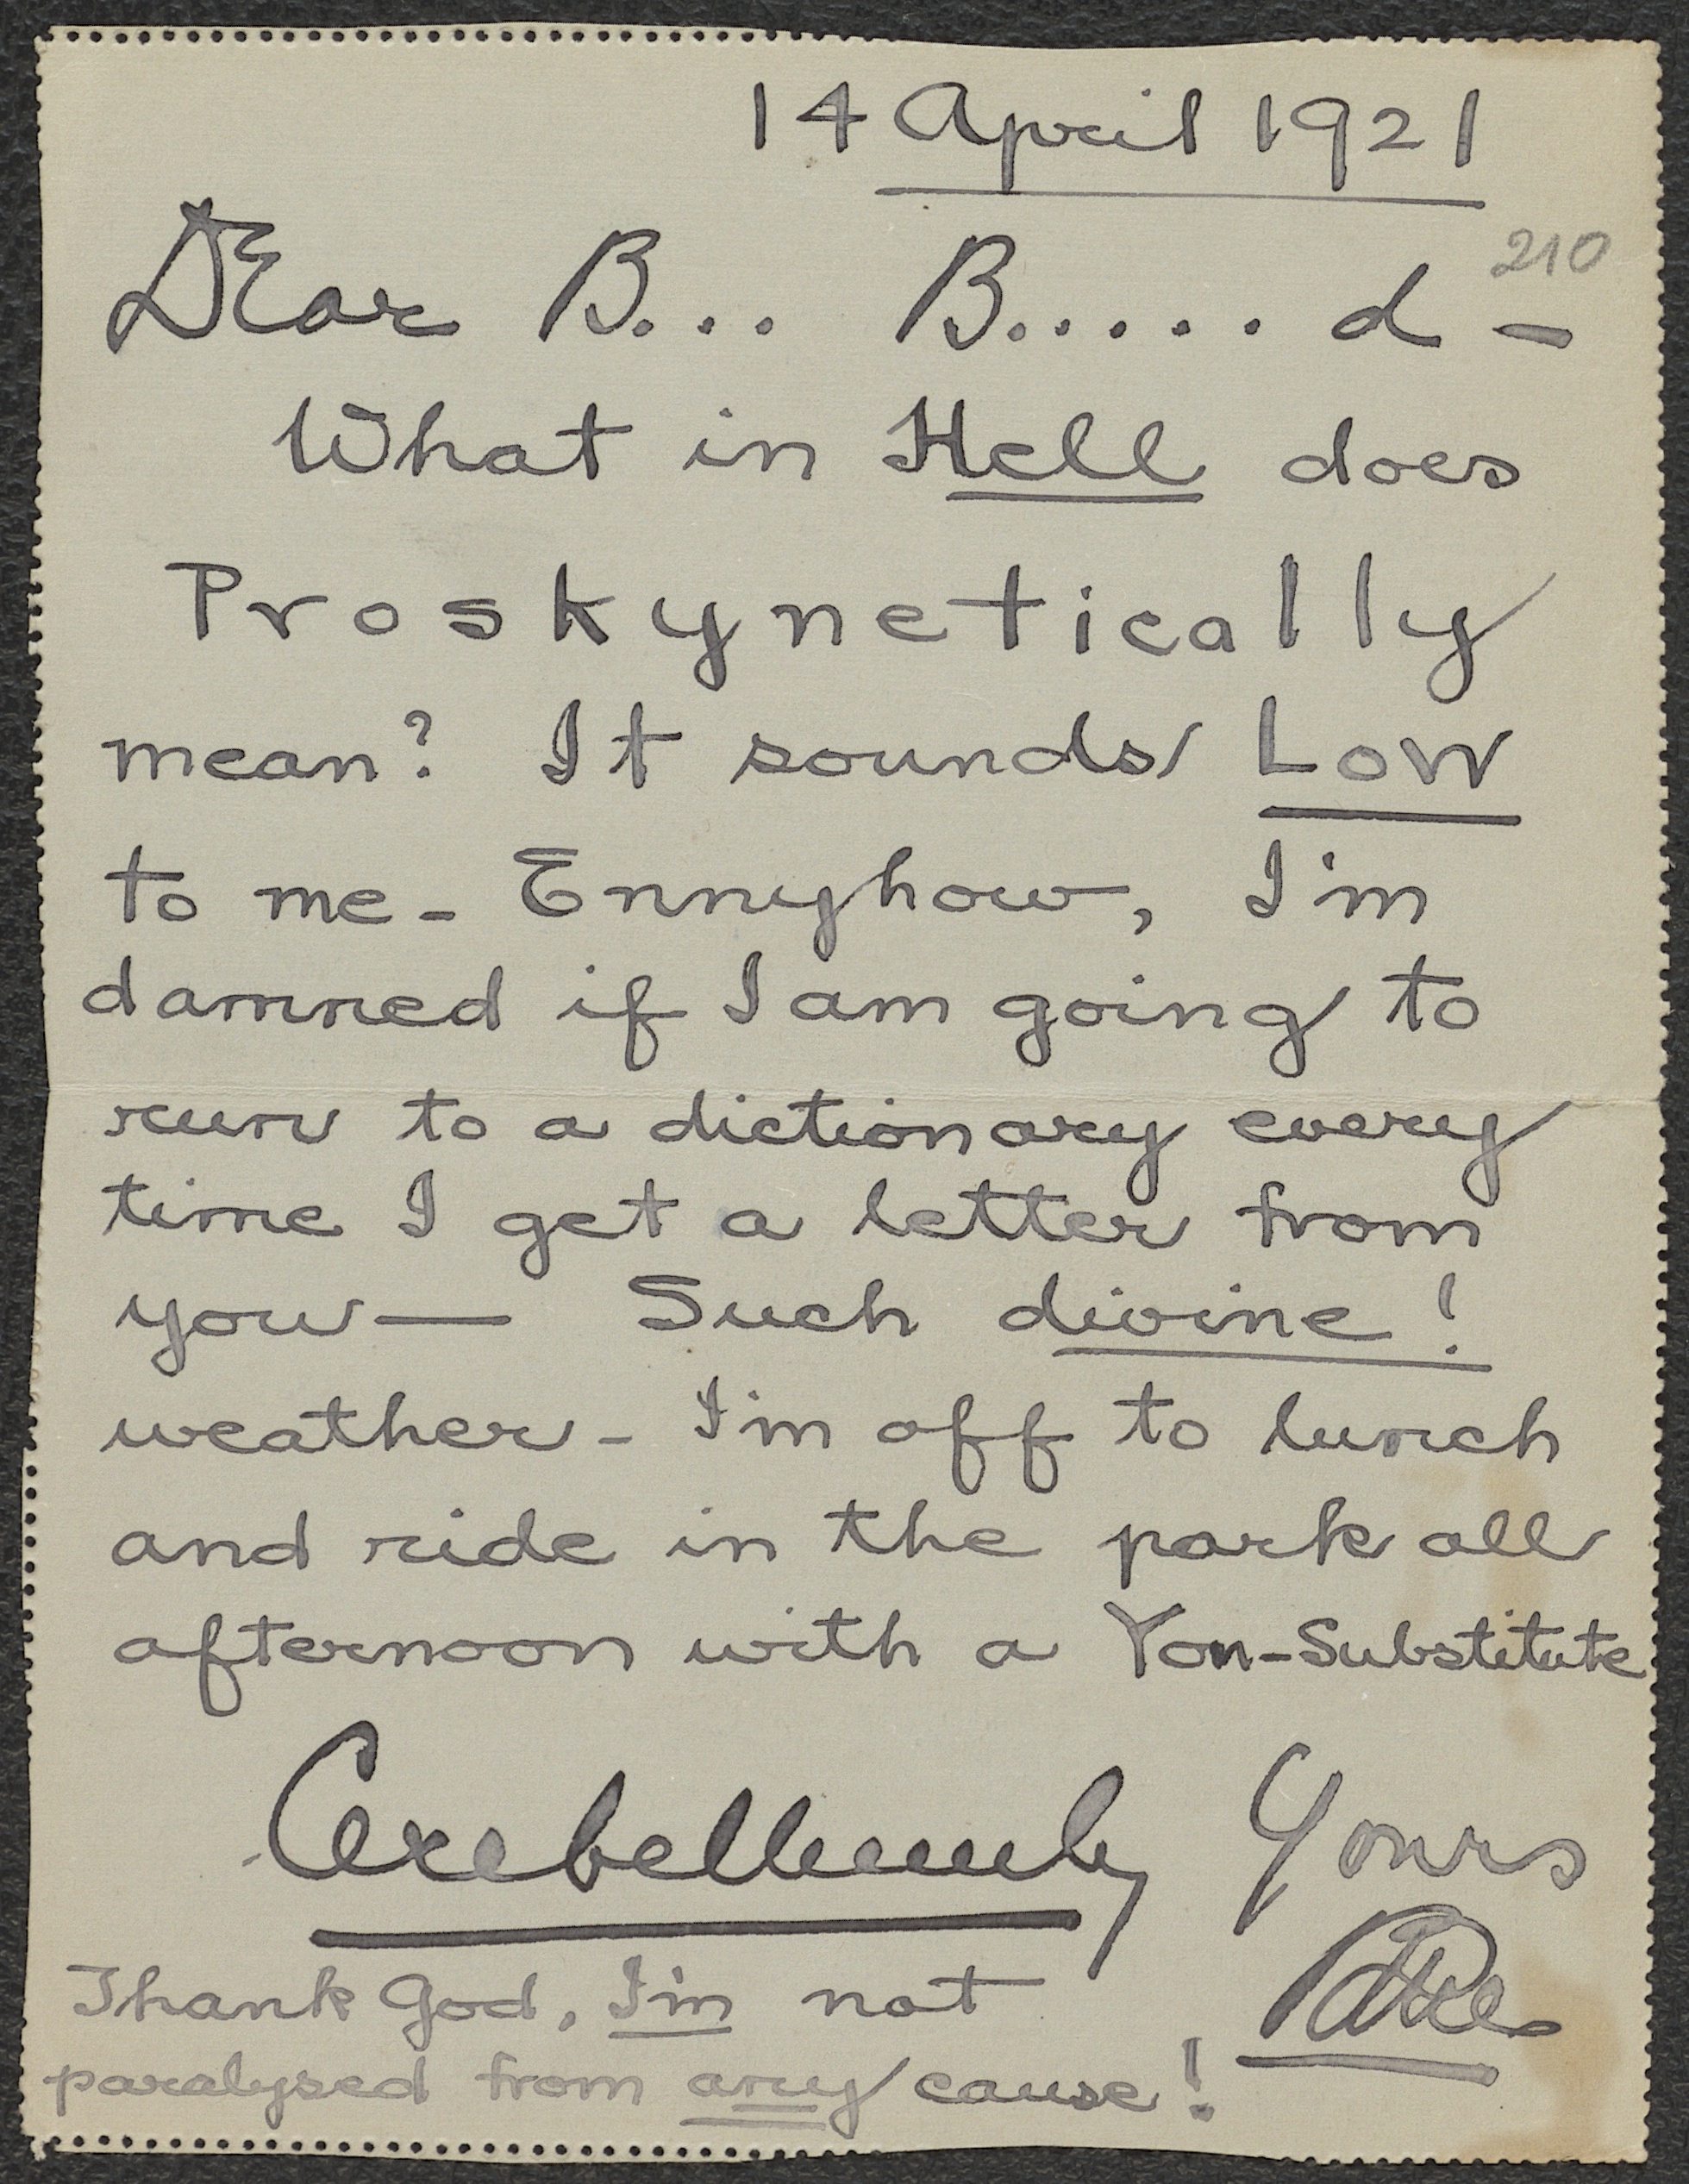Dear B... B.....d –
What in Hell does Proskynetically mean? It sounds Low to me – Ennyhow, I'm damned if I am going to run to a dictionary every time I get a letter from you – Such divine! weather – I'm off to lunch and ride in the park all afternoon with a You-substitute
Cerebellumly Yours,
Belle
Thank God, I'm not paralysed from [underlined twice: any] cause!